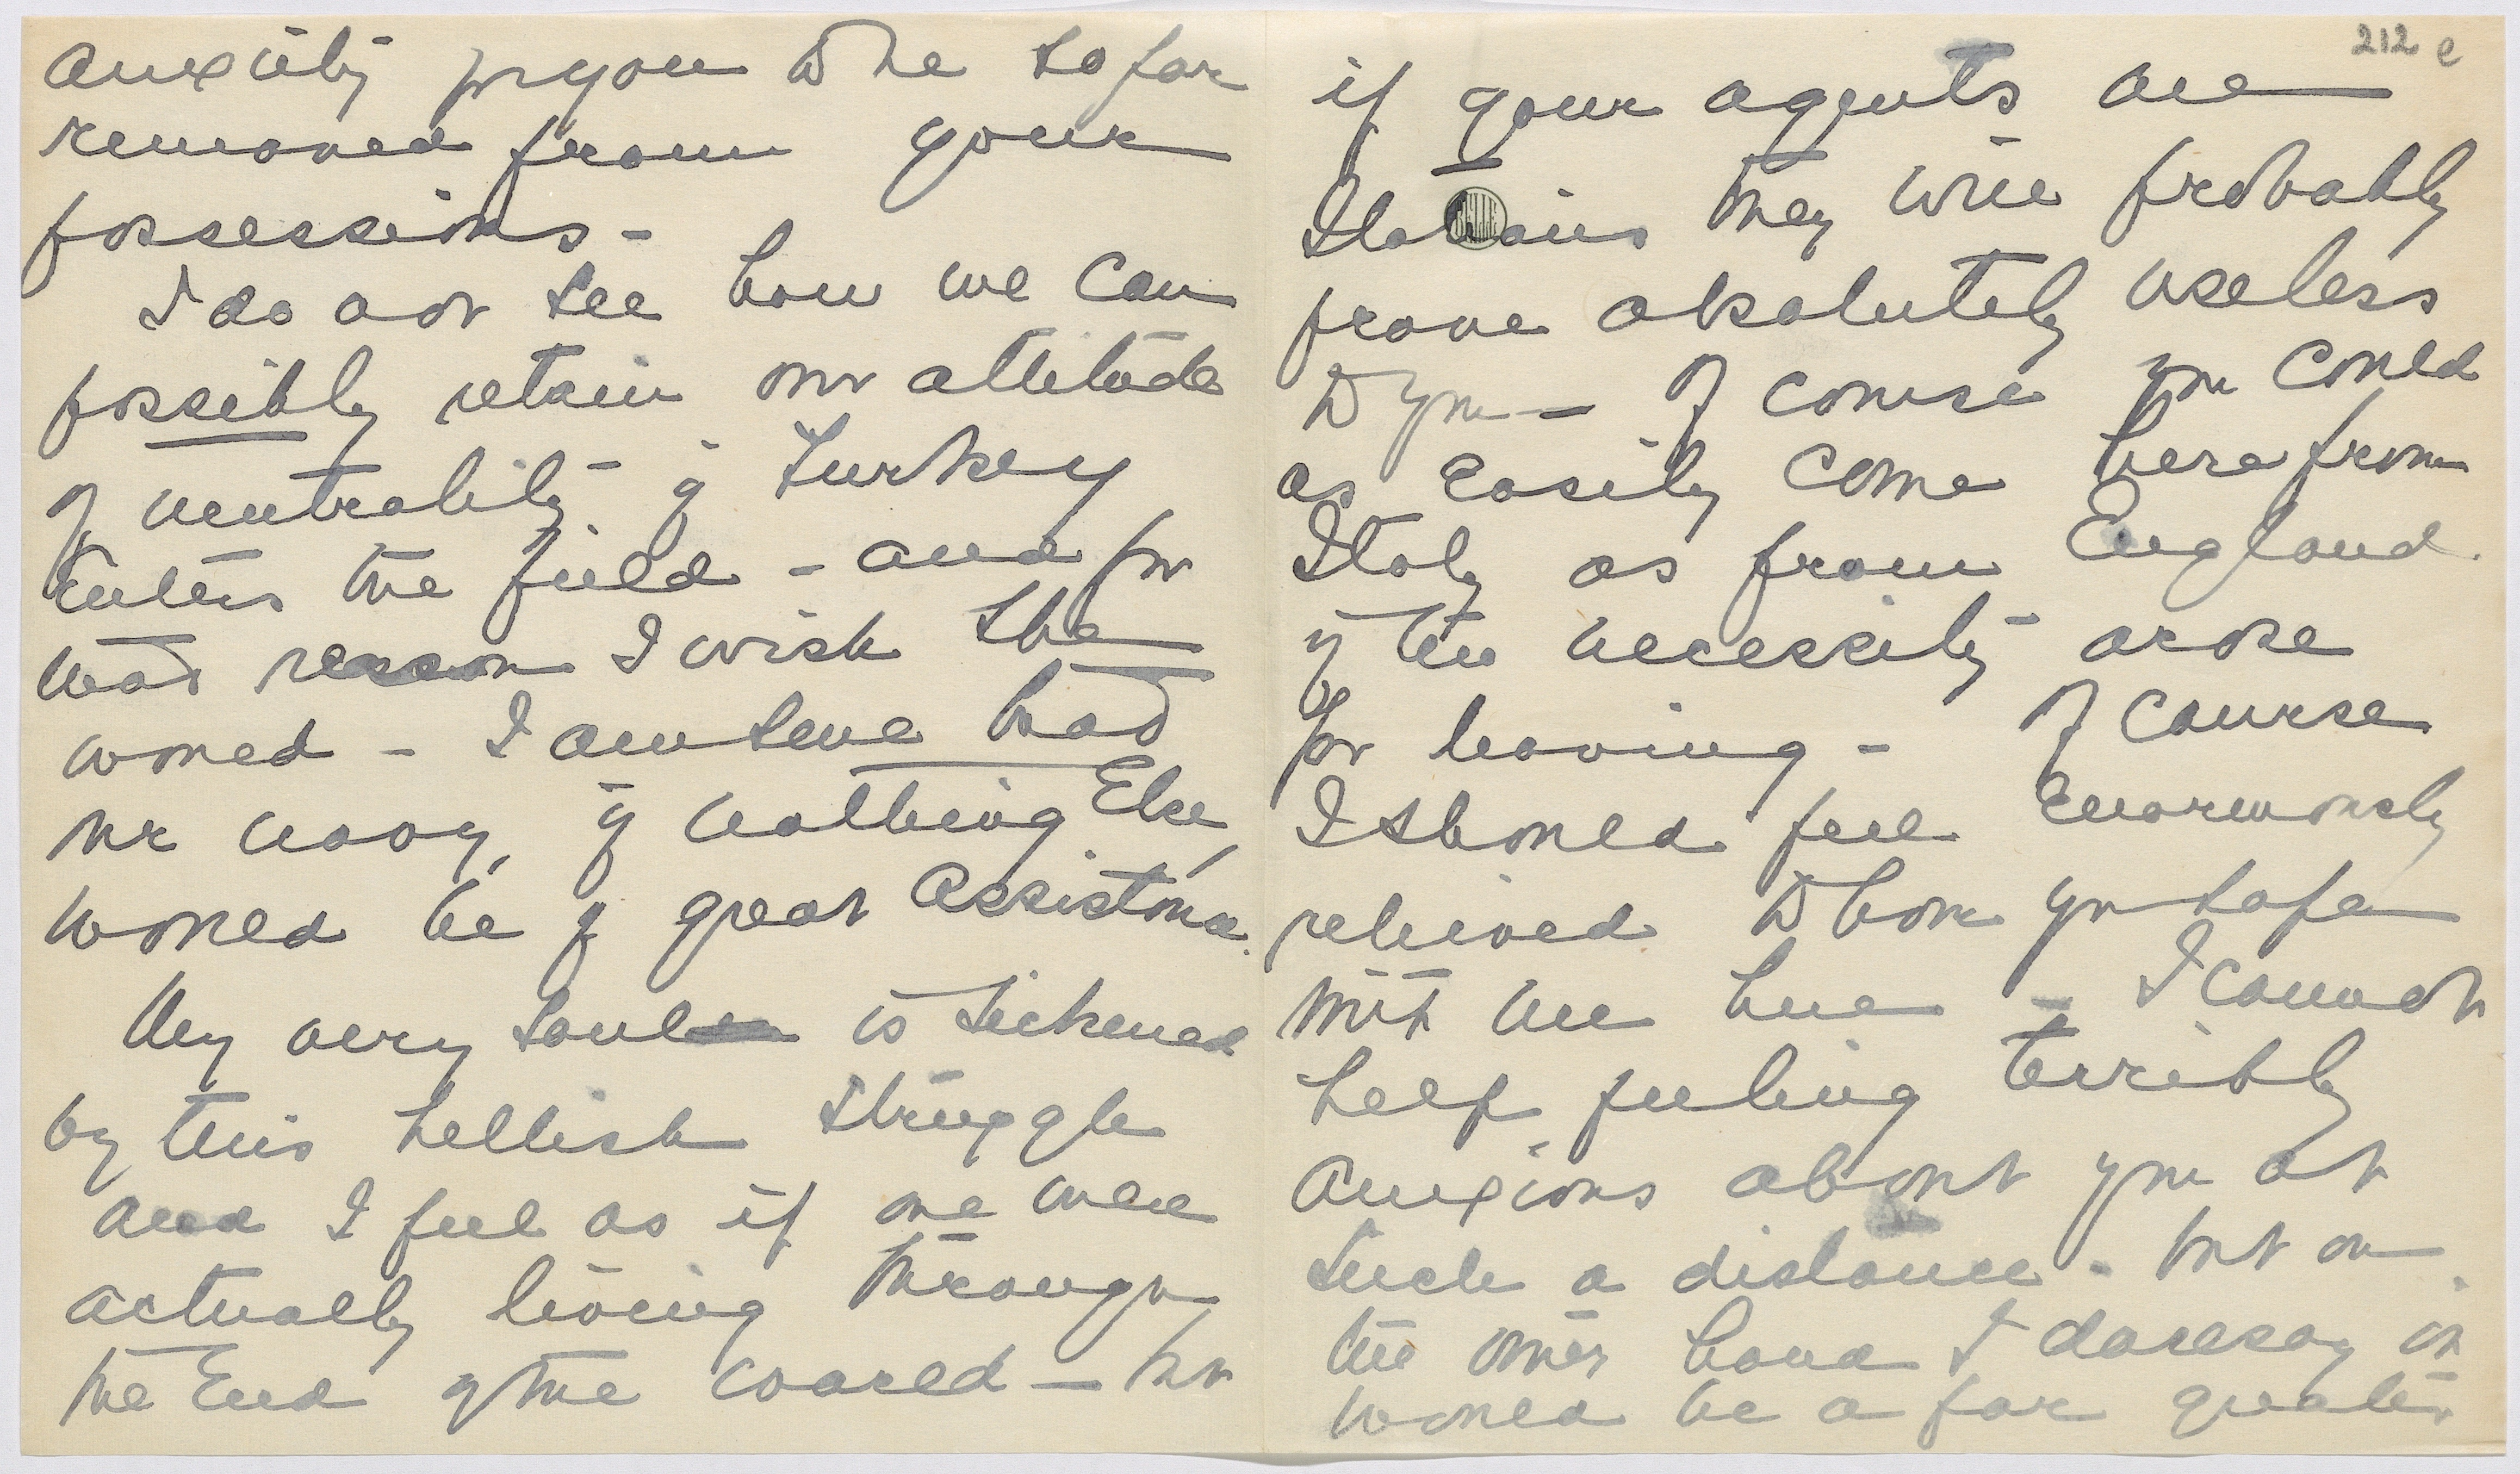if your agents are Italians they will probably prove absolutely useless to you – of course you could as easily come here from Italy as from England if the necessity arose for leaving – of course I should feel enormously relieved to have you safe with me here – I cannot keep feeling terribly anxious about you at such a distance – but on the other hand I daresay it would be a far greater
anxiety for you to be so far removed from your possessions –
I do not see how we can possibly retain our attitude of neutrality – if Turkey enters the field – and for that reason I wish she would – I am sure that our navy, if nothing else, would be of great assistance.
My very soul [illegible deletion] is sickened by this hellish struggle and I feel as if one were actually living through the End of the world – but